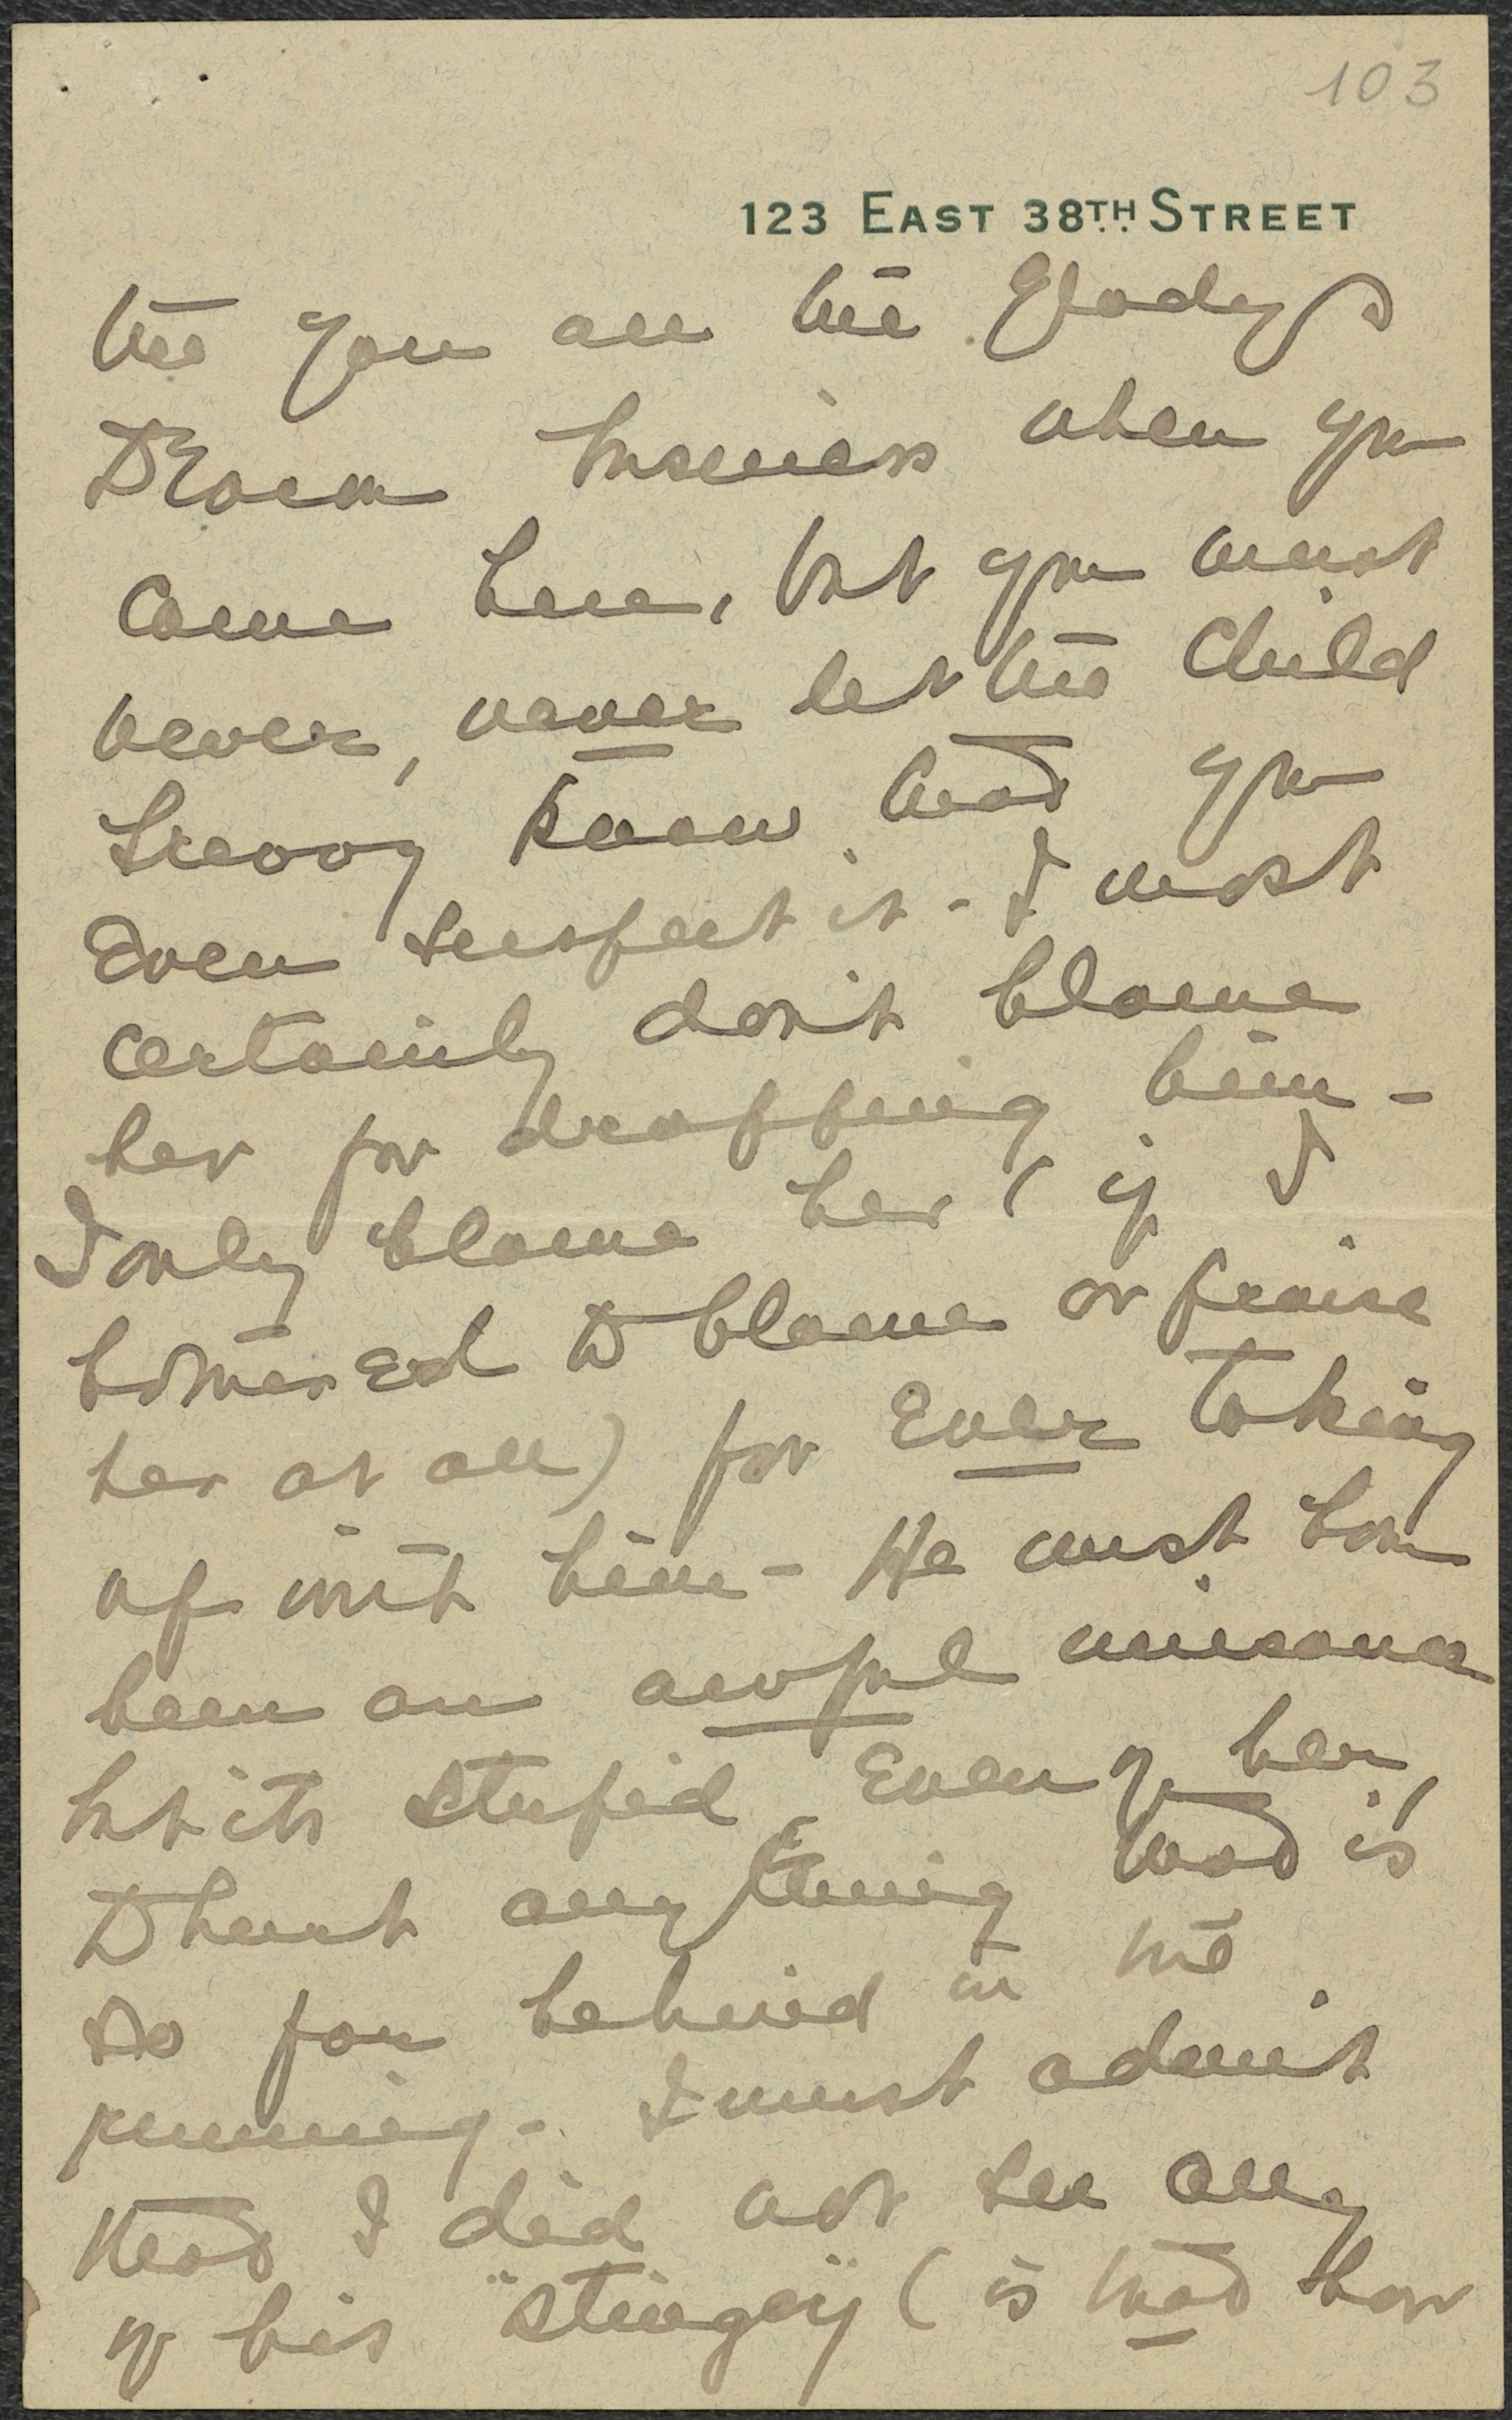tell you all the Gladys Deacon business when you come here, but you must never, never let the child Trevvy know that you even suspect it. I most certainly don't blame her for dropping him – I only blame her (if I bothered to blame or praise her at all) for ever taking up with him – he must have been an awful nuisance but its stupid even of her to hurt anything that is so far behind in the running – I must admit that I did not see any of his ‘stingey’ (is that how